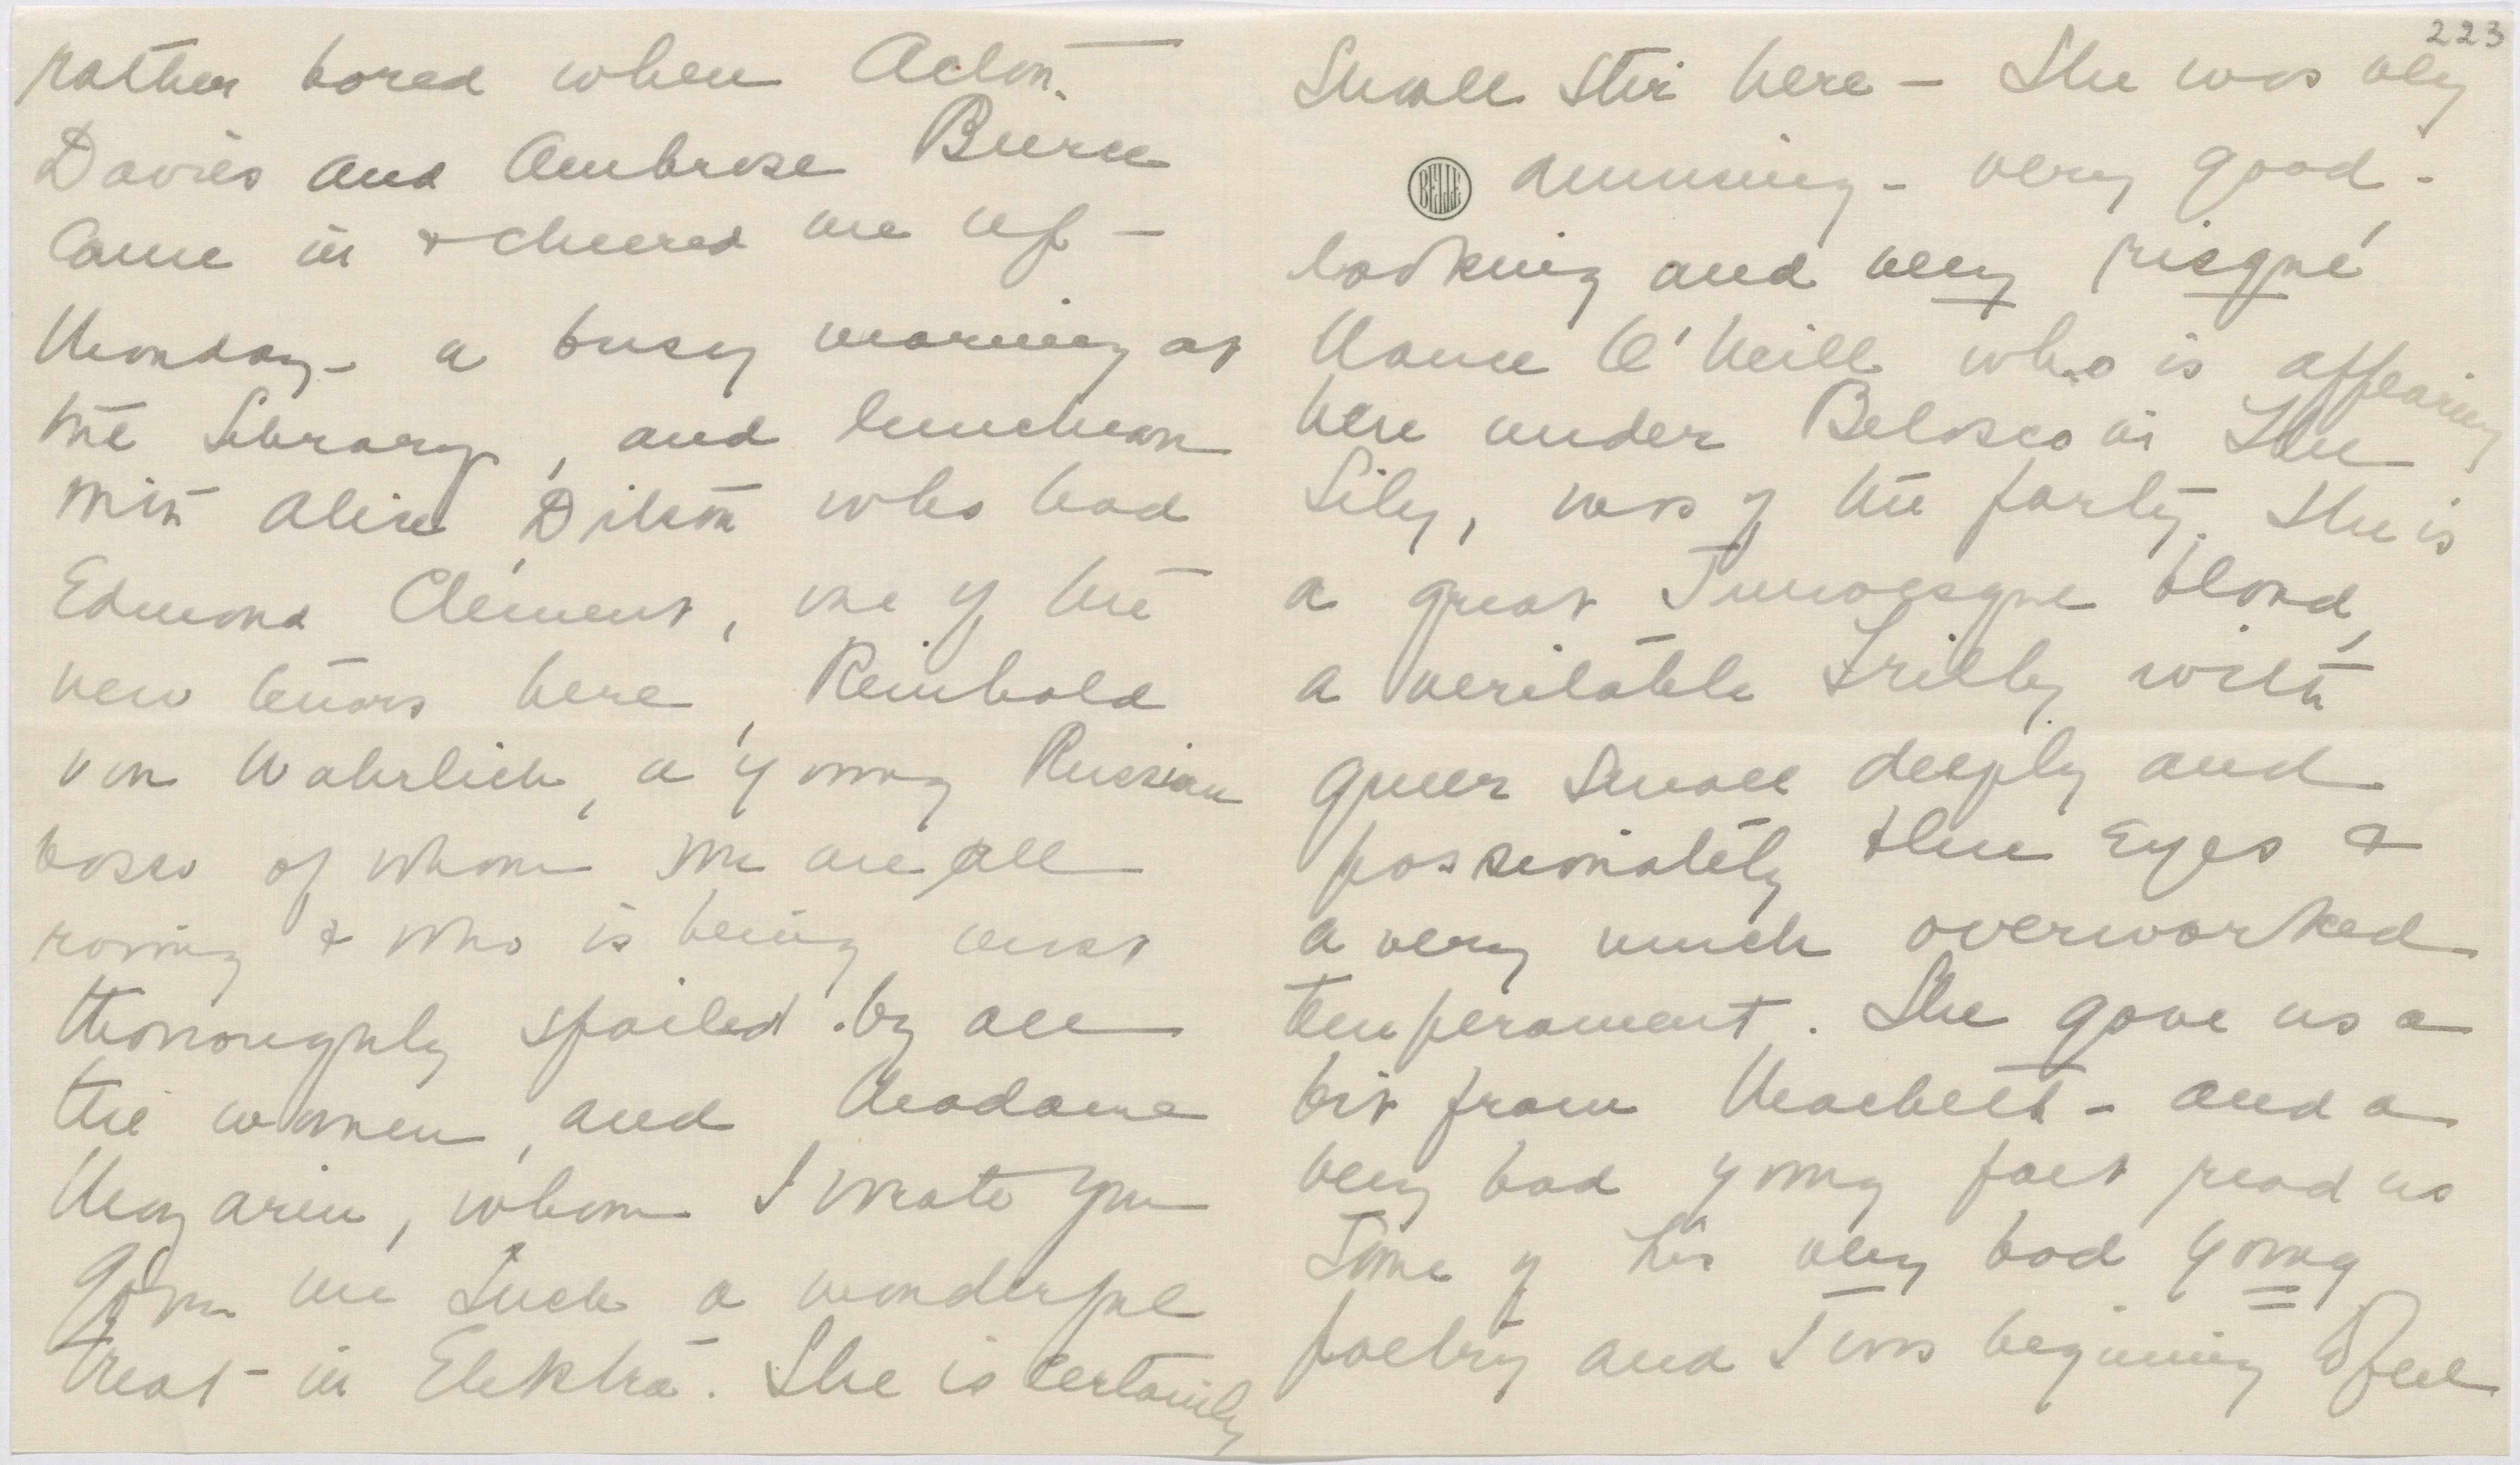small stir here – She was very amusing – very good-looking and very risqué
Nance O’Neil who is appearing here under Belasco in The Lily, was of the party. She is a great Junoesque blond, a veritable Trilby with queer small deeply and passionately blue eyes & a very much overworked temperament. She gave us a bit from Macbeth – and a very bad young poet read us some of his very bad [double underlined: young] poetry and I was beginning to feel
rather bored when Acton Davies and Ambrose Bierce came in & cheered me up –
Monday – a busy morning at the Library, and luncheon with Alice Ditson who had Edmond Clément, one of the new tenors here, Reinhold von Wahrlich, a young Russian basso of whom we are all raving & who is being most thoroughly spoiled by all the women, and Madame Mazarin, whom I wrote you gave me such a wonderful treat in Elektra. She is certainly